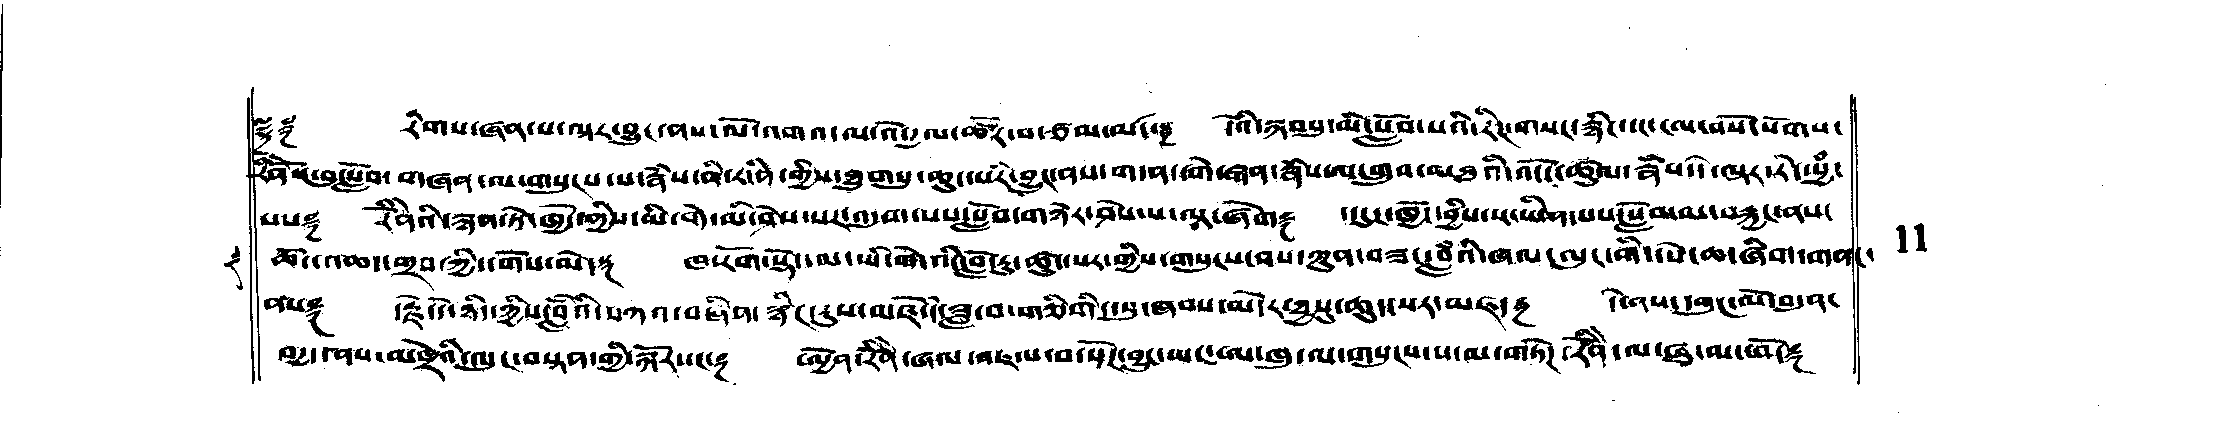རིག་ཞན་པ་ལྟར་བྱུང་ནས་ལོ་འགའ་ལ་འོ་རྒྱལ་ཆེ་བ་ཙམ་མཛད། དེའི་སྐབས་སུ་མི་སློབ་པའི་རིགས་གསང་སྙིང་དང་ངལ་གསོ་སོགས་
རིན་པོ་ཆེས་བུ་སློབ་གཞན་ལ་གསུངས་པ་རྣམས་ནི་རང་བཞིན་གྱིས་ཐུགས་སུ་ཆུད་པར་བྱུང་ནས་གདན་༼གཞན་?༽དགེ་རྒན་རྣམས་ལ་གྲུབ་མཐའི་འདོད་ཚུལ་རྣམས་དེ་ལྟར་རེད་གསུང་
པས། རིན་པོ་ཆེའི་སྙན་ཏེ་ཁྱོད་ཀྱིས་ཡེ་གེ་མི་ཤེས་པར་འདུག་པས་སློབ་གཉེར་ཤེས་པ་ལྟ་ཞོག ད་དུང་ཁྱོད་བྱིས་པ་ཡིན་པས་སློབ་མ་བསྐྱང་ནས་
ཆོས་འཆད་གྲབ་ཀྱི་དགོས་མེད། ཁ་རོག་སྡོད་ལ་ཡི་གེ་འདི་བློ་རུ་ཚུད་པར་གྱིས་གསུངས་པས་ཀུན་བཟང་བླ་མའི་ཞལ་ལུང་གི་དཔེ་ཆ་ཞིག་གནང་
ནས། རྗེ་དེ་ཉིད་ཀྱིས་བླ་མའི་བཀའ་བཞིན་སྙིང་རུས་མཛད་དེ་ཟླ་བ་གཅིག་གི་དབུ་ཞབས་མེད་པར་ཐུགས་སུ་ཆུད་པར་མཛད། དེ་ནས་དགུང་ལོ་བདུན་
བརྒྱད་ནས་མཁའ་འགྲོའི་ལུང་བསྟན་གྱི་སྐོར་དང། ཨོ་རྒྱན་རིན་པོ་ཆེ་ཞལ་མཇལ་བ་སོགས་བྱུང་ཡང་ཨ་ཁུ་ལ་གསུངས་པ་མ་གཏོགས་རིན་པོ་ཆེ་ལ་ཞུ་མ་ཕོད།